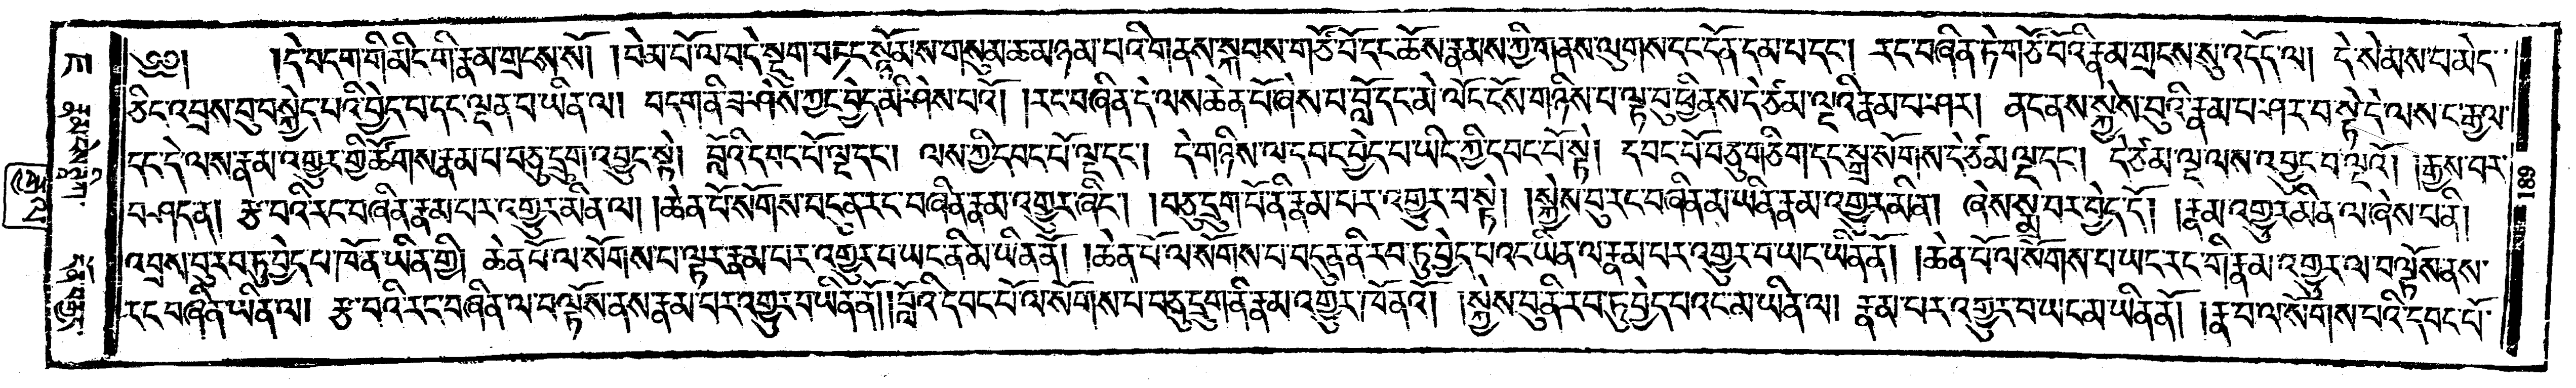༄༅། །དེ་བདག་གི་མིང་གི་རྣམ་གྲངས་སོ། །བེམ་པོ་ལ་བདེ་སྡུག་བཏང་སྙོམས་གསུམ་ཆ་མཉམ་པའི་གནས་སྐབས་གཙོ་བོ་དང་ཆོས་རྣམས་ཀྱི་གནས་ལུགས་དང་དོན་དམ་པ་དང་། རང་བཞིན་ཏེ་གཙོ་བོའི་རྣམ་གྲངས་སུ་འདོད་ལ། དེ་སེམས་པ་མེད་
ཅིང་འབྲས་བུ་བསྐྱེད་པའི་བྱེད་པ་དང་ལྡན་པ་ཡིན་ལ། བདག་ནི་ཟ་ཤེས་ཀྱང་བྱེད་མི་ཤེས་པའོ། །རང་བཞིན་དེ་ལས་ཆེན་པོ་ཞེས་པ་བློ་དང་མེ་ལོང་ངོས་གཉིས་པ་ལྟ་བུ་ཕྱི་ནས་དེ་ཙམ་ལྔའི་རྣམ་པ་ཤར། ནང་ནས་སྐྱེས་བུའི་རྣམ་པ་ཤར་བ་སྟེ་དེ་ལས་ང་རྒྱལ་
དང་དེ་ལས་རྣམ་འགྱུར་གྱི་ཚོགས་རྣམ་པ་བཅུ་དྲུག་འབྱུང་སྟེ། བློའི་དབང་པོ་ལྔ་དང་། ལས་ཀྱི་དབང་པོ་ལྔ་དང་། དེ་གཉིས་ལ་དབང་བྱེད་པ་ཡིད་ཀྱི་དབང་པོ་སྟེ། དབང་པོ་བཅུ་གཅིག་དང་སྒྲ་སོགས་དེ་ཙམ་ལྔ་དང་། དེ་ཙམ་ལྔ་ལས་འབྱུང་བ་ལྔའོ། །རྒྱས་བར་
བཤད་ན། རྩ་བའི་རང་བཞིན་རྣམ་པར་འགྱུར་མིན་ལ། །ཆེན་པོ་སོགས་བདུན་རང་བཞིན་རྣམ་འགྱུར་ཞིང་། །བཅུ་དྲུག་པོ་ནི་རྣམ་པར་འགྱུར་བ་སྟེ། །སྐྱེས་བུ་རང་བཞིན་མ་ཡིན་རྣམ་འགྱུར་མིན། ཞེས་སྨྲ་བར་བྱེད་དོ། །རྣམ་འགྱུར་མིན་ལ་ཞེས་པ་ནི།
འབྲས་བུ་རབ་ཏུ་བྱེད་པ་ཁོ་ན་ཡིན་གྱི། ཆེན་པོ་ལ་སོགས་པ་ལྟར་རྣམ་པར་འགྱུར་བ་ཡང་ནི་མ་ཡིན་ནོ། །ཆེན་པོ་ལ་སོགས་པ་བདུན་ནི་རབ་ཏུ་བྱེད་པའང་ཡིན་ལ་རྣམ་པར་འགྱུར་བ་ཡང་ཡིན་ནོ། །ཆེན་པོ་ལ་སོགས་པ་ཡང་རང་གི་རྣམ་འགྱུར་ལ་བལྟོས་ནས་
རང་བཞིན་ཡིན་ལ། རྩ་བའི་རང་བཞིན་ལ་བལྟོས་ནས་རྣམ་པར་འགྱུར་བ་ཡིན་ནོ། །བློའི་དབང་པོ་ལ་སོགས་པ་བཅུ་དྲུག་ནི་རྣམ་འགྱུར་ཁོ་ནའོ། །སྐྱེས་བུ་ནི་རབ་ཏུ་བྱེད་པའང་མ་ཡིན་ལ། རྣམ་པར་འགྱུར་བ་ཡང་མ་ཡིན་ནོ། །རྣ་བ་ལ་སོགས་པའི་དབང་པོ་